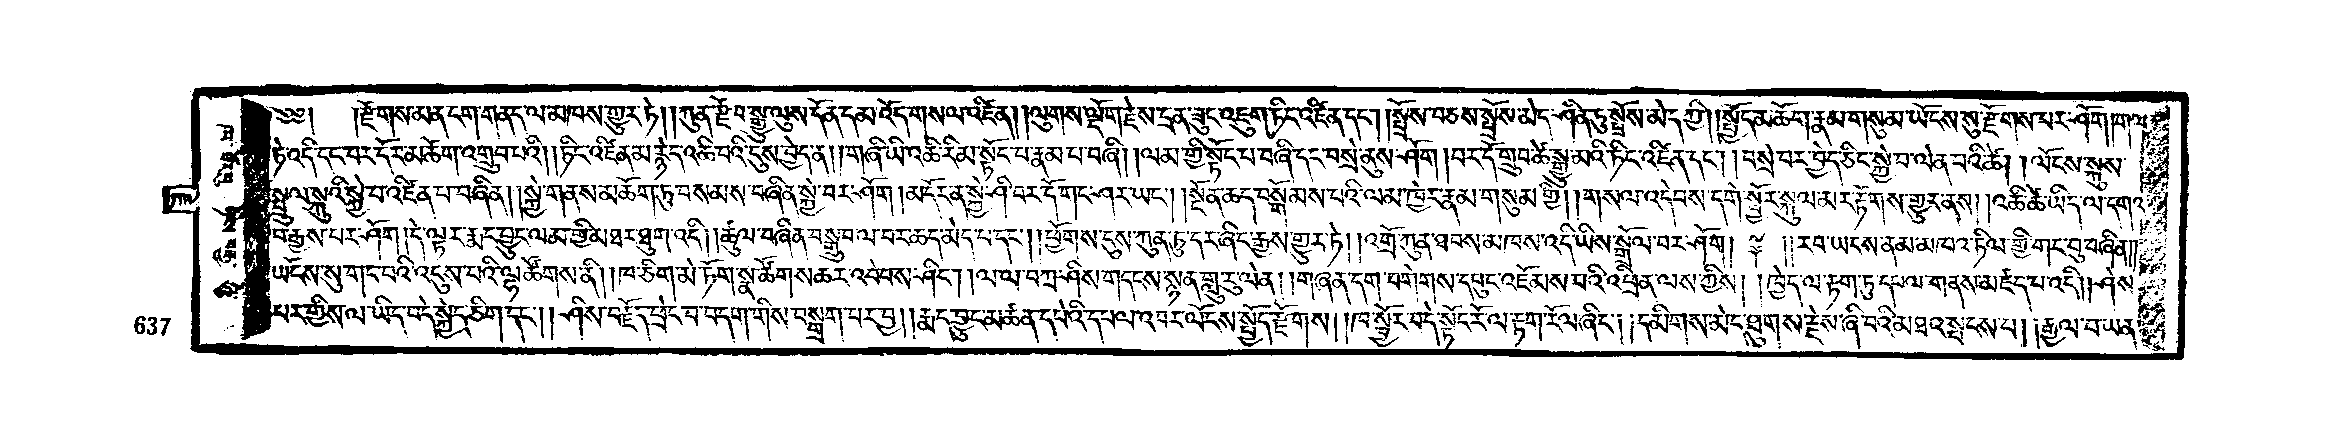༄༅། །རྫོགས་མན་ངག་གནད་ལ་མཁས་གྱུར་ཏེ། །ཀུན་རྫོབ་སྒྱུ་ལུས་དོན་དམ་འོད་གསལ་འཛིན། །ལུགས་ལྡོག་རྗེས་དྲན་ཟུང་འཇུག་ཏིང་འཛིན་དང་། །སྤྲོས་བཅས་སྤྲོས་མེད་ཤིན་ཏུ་སྤྲོས་མེད་ཀྱི། །སྤྱོད་མཆོག་རྣམ་གསུམ་ཡོངས་སུ་རྫོགས་པར་ཤོག །གལ་
ཏེ་འདི་དང་བར་དོར་མཆོག་འགྲུབ་པའི། །ཏིང་འཛིན་མ་རྙེད་འཆི་བའི་དུས་བྱེད་ན། །གཞི་ཡི་འཆི་རིམ་སྟོང་པ་རྣམ་པ་བཞི། །ལམ་གྱི་སྟོང་པ་བཞི་དང་བསྲེ་ནུས་ཤོག །བར་དོ་གྲུབ་ཚེ་སྒྱུ་མའི་ཏིང་འཛིན་དང་། །བསྲེ་བར་བྱེད་ཅིང་སྐྱེ་བ་ལེན་པའི་ཚེ། །ལོངས་སྐུས་
སྤྲུལ་སྐུའི་སྐྱེ་བ་འཛིན་པ་བཞིན། །སྐྱེ་གནས་མཆོག་ཏུ་བསམས་བཞིན་སྐྱེ་བར་ཤོག །མདོར་ན་སྐྱེ་ཤི་བར་དོ་གང་ཤར་ཡང་། །སྔོན་ཆད་བསྒོམས་པའི་ལམ་ཁྱེར་རྣམ་གསུམ་གྱི། །གསལ་འདེབས་དགེ་སྦྱོར་སྐུལ་མར་རྟོགས་གྱུར་ནས། །འཆི་ཚེ་ཡིད་ལ་དགའ་
བ་རྒྱས་པར་ཤོག །དེ་ལྟར་རྨད་བྱུང་ལམ་གྱི་མཐར་ཐུག་འདི། །ཚུལ་བཞིན་བསྒྲུབ་ལ་བར་ཆད་མེད་པ་དང་། །ཕྱོགས་དུས་ཀུན་ཏུ་དར་ཞིང་རྒྱས་གྱུར་ཏེ། །འགྲོ་ཀུན་ཐབས་མཁས་འདི་ཡིས་སྒྲོལ་བར་ཤོག ། ༈ །།རབ་ཡངས་ནམ་མཁའི་ཏིལ་གྱི་གང་བུ་བཞིན། །
ཡོངས་སུ་གང་བའི་འདུས་པའི་ལྷ་ཚོགས་ནི། །ཁ་ཅིག་མེ་ཏོག་སྣ་ཚོགས་ཆར་འབེབས་ཤིང་། །ལ་ལ་བཀྲ་ཤིས་གདངས་སྙན་གླུ་རུ་ལེན། །གཞན་དག་བགེགས་དཔུང་འཇོམས་པའི་འཕྲིན་ལས་ཀྱིས། །ཁྱེད་ལ་རྟག་ཏུ་དཔལ་གནས་མཛད་པ་འདི། །ཤེས་
པར་གྱིས་ལ་ཡིད་བདེ་སྐྱེད་ཅིག་དང་། །ཤིས་བརྗོད་ཕྲེང་བ་བདག་གིས་བསྒྲག་པར་བྱ། །རྨད་བྱུང་མཚན་དཔེའི་དཔལ་འབར་ལོངས་སྤྱོད་རྫོགས། །ཁ་སྦྱོར་བདེ་སྟོང་རོ་ལ་རྟག་རོལ་ཞིང་། །དམིགས་མེད་ཐུགས་རྗེས་ཞི་བའི་མཐའ་སྤངས་པ། །རྒྱལ་བ་ཡན་